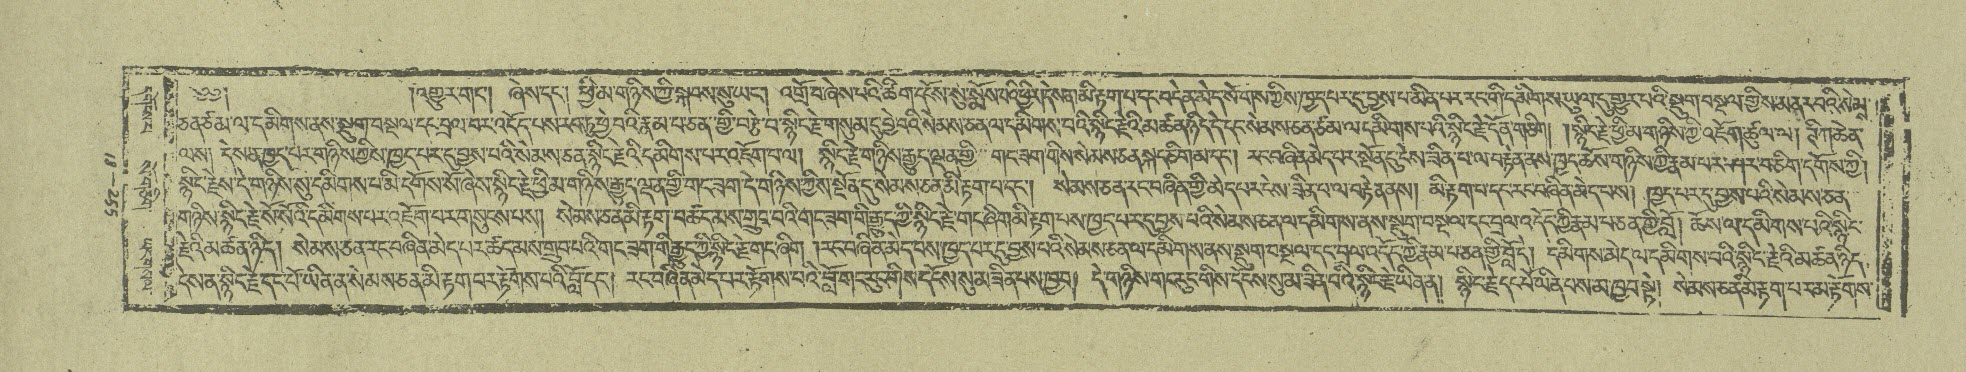༄༅། །འགྱུར་གང་། ཞེས་དང་། ཕྱི་མ་གཉིས་ཀྱི་སྐབས་སུ་ཡང་། འགྲོ་བ་ཞེས་པའི་ཚིག་དངོས་སུ་སྨོས་པའི་ཕྱིར། དེས་ན། མི་རྟག་པ་དང་བདེན་མེད་སོགས་ཀྱིས་ཁྱད་པར་དུ་བྱས་པ་མིན་པར་རང་གི་དམིགས་ཡུལ་དུ་གྱུར་པའི་སྡུག་བསྔལ་གྱིས་མནར་བའི་སེམས་
ཅན་ཙམ་ལ་དམིགས་ནས་སྡུག་བསྔལ་དང་བྲལ་བར་འདོད་པས་རབ་ཏུ་ཕྱེ་བའི་རྣམ་པ་ཅན་གྱི་བརྩེ་བ་སྙིང་རྗེ་གསུམ་དུ་ཕྱེ་བའི་སེམས་ཅན་ལ་དམིགས་པའི་སྙིང་རྗེའི་མཚན་ཉིད་དེ་དང་སེམས་ཅན་ཙམ་ལ་དམིགས་པའི་སྙིང་རྗེ་དོན་གཅིག །སྙིང་རྗེ་ཕྱི་མ་གཉིས་ཀྱི་འཇོག་ཚུལ་ལ། ཊིཀ་ཆེན་
ལས། དེས་ན་ཁྱད་པར་གཉིས་ཀྱིས་ཁྱད་པར་དུ་བྱས་པའི་སེམས་ཅན་སྙིང་རྗེའི་དམིགས་པར་འཇོག་པ་ལ། སྙིང་རྗེ་གཉིས་རྒྱུད་ལྡན་གྱི་གང་ཟག་གིས་སེམས་ཅན་སྐད་ཅིག་མ་དང་། རང་བཞིན་མེད་པར་སྔོན་དུ་ངེས་ཟིན་པ་ལ་བརྟེན་ནས་ཁྱད་ཆོས་གཉིས་ཀྱི་རྣམ་པར་ཤར་བ་ཅིག་དགོས་ཀྱི།
སྙིང་རྗེས་དེ་གཉིས་སུ་དམིགས་པ་མི་དགོས་སོ་ཞེས་སྙིང་རྗེ་ཕྱི་མ་གཉིས་རྒྱུད་ལྡན་གྱི་གང་ཟག་དེ་གཉིས་ཀྱིས་སྔོན་དུ་སེམས་ཅན་མི་རྟག་པ་དང་། སེམས་ཅན་རང་བཞིན་གྱི་མེད་པར་ངེས་ཟིན་པ་ལ་བརྟེན་ནས། མི་རྟག་པ་དང་རང་བཞིན་མེད་པས། ཁྱད་པར་དུ་བྱས་པའི་སེམས་ཅན་
གཉིས་སྙིང་རྗེ་སོ་སོའི་དམིགས་པར་འཇོག་པར་གསུངས་པས། སེམས་ཅན་མི་རྟག་པ་ཚད་མས་གྲུབ་པའི་གང་ཟག་གི་རྒྱུད་ཀྱི་སྙིང་རྗེ་གང་ཞིག་མི་རྟག་པས་ཁྱད་པར་དུ་བྱས་པའི་སེམས་ཅན་ལ་དམིགས་ནས་སྡུག་བསྔལ་དང་བྲལ་འདོད་ཀྱི་རྣམ་པ་ཅན་གྱི་བློ། ཆོས་ལ་དམིགས་པའི་སྙིང་
རྗེའི་མཚན་ཉིད། སེམས་ཅན་རང་བཞིན་མེད་པར་ཚད་མས་གྲུབ་པའི་གང་ཟག་གི་རྒྱུད་ཀྱི་སྙིང་རྗེ་གང་ཞིག །རང་བཞིན་མེད་པས་ཁྱད་པར་དུ་བྱས་པའི་སེམས་ཅན་ལ་དམིགས་ནས་སྡུག་བསྔལ་དང་བྲལ་འདོད་ཀྱི་རྣམ་པ་ཅན་གྱི་བློ་དེ། དམིགས་མེད་ལ་དམིགས་པའི་སྙིང་རྗེའི་མཚན་ཉིད།
དེས་ན་སྙིང་རྗེ་དང་པོ་ཡིན་ན་སེམས་ཅན་མི་རྟག་པར་རྟོགས་པའི་བློ་དང་། རང་བཞིན་མེད་པར་རྟོགས་པའི་བློ་གང་རུང་གིས་དངོས་སུ་མ་ཟིན་པས་ཁྱབ། དེ་གཉིས་གང་རུང་གིས་དངོས་སུ་མ་ཟིན་པའི་སྙིང་རྗེ་ཡིན་ན། སྙིང་རྗེ་དང་པོ་ཡིན་པས་མ་ཁྱབ་སྟེ། སེམས་ཅན་མི་རྟག་པར་མ་རྟོགས་